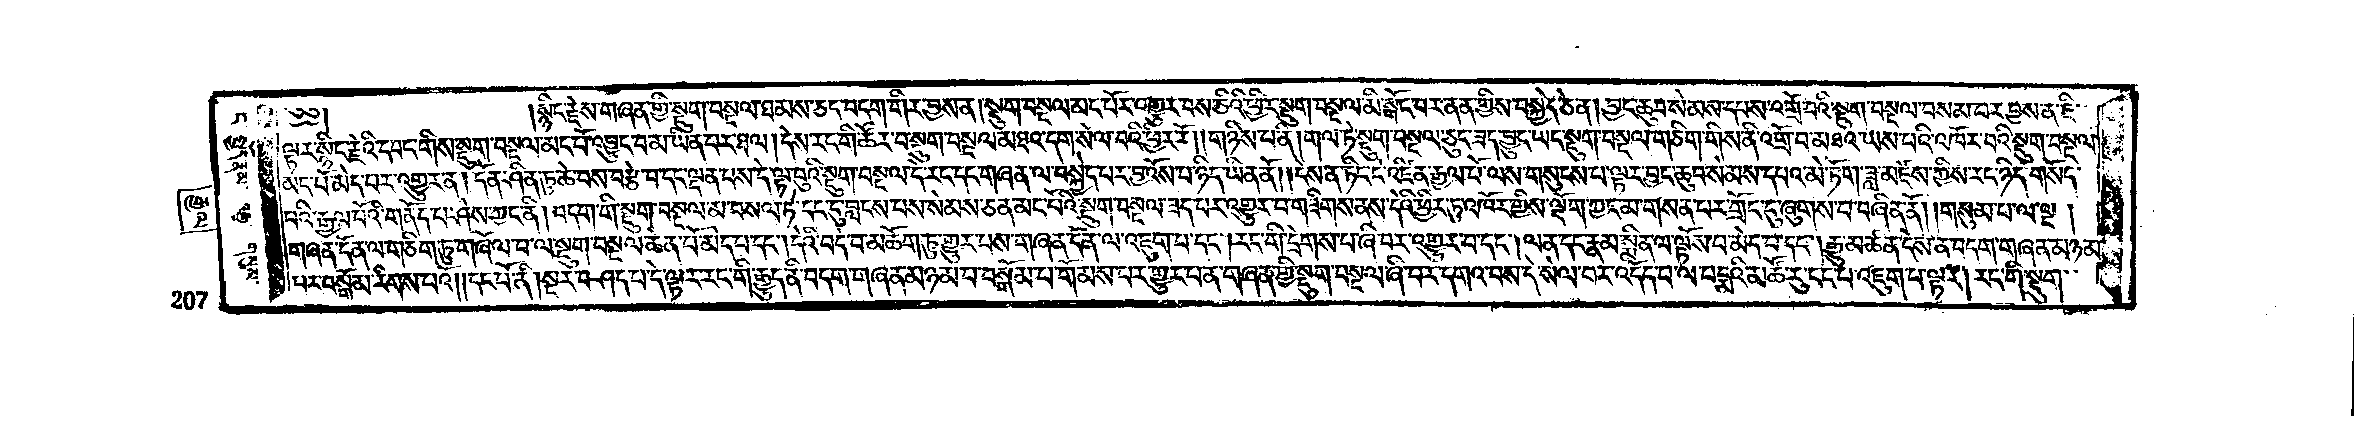༄༅། །སྙིང་རྗེས་གཞན་གྱི་སྡུག་བསྔལ་ཐམས་ཅད་བདག་གིར་བྱས་ན། སྡུག་བསྔལ་མང་པོར་འགྱུར་བས་ཅིའི་ཕྱིར་སྡུག་བསྔལ་མི་སྒོང་བར་ནན་གྱིས་བསྐྱེད་ཅེ་ན། བྱང་ཆུབ་སེམས་དཔས་འགྲོ་བའི་སྡུག་བསྔལ་བསམ་པར་བྱས་ན་ཇི་
ལྟར་སྙིང་རྗེའི་དབང་གིས་སྡུག་བསྔལ་མང་པོ་འབྱུང་བ་མ་ཡིན་པར་ཐལ། དེས་རང་གི་ཚོར་བ་སྡུག་བསྔལ་མཐའ་དག་སེལ་བའི་ཕྱིར་རོ། །གཉིས་པ་ནི། ག་ཏེ་སྡུག་བསྔལ་ཅུང་ཟད་བྱུང་ཡང་སྡུག་བསྔལ་གཅིག་གིས་ནི་འགྲོ་བ་མཐའ་ཡས་པའི་འཁོར་བའི་སྡུག་བསྔལ་
མང་པོ་མེད་པར་འགྱུར་ན། དོན་ཤིན་ཏུ་ཆེ་བས་བརྩེ་བ་དང་ལྡན་པས་དེ་ལྟ་བུའི་སྡུག་བསྔལ་དེ་རང་དང་གཞན་ལ་བསྐྱེད་པར་བྱ་འོས་པ་ཉིད་ཡིན་ནོ། །དེས་ན་ཏིང་ངེ་འཛིན་རྒྱལ་པོ་ལས་གསུངས་པ་ལྟར་བྱང་ཆུབ་སེམས་དཔའ་མེ་ཏོག་ཟླ་མཛེས་ཀྱིས་རང་ཉིད་གསོད་
པའི་རྒྱལ་པོའི་གནོད་པ་ཤེས་ཀྱང་ནི། བདག་གི་སྡུག་བསྔལ་མ་བསལ་ཏེ་ངང་དུ་བླངས་པས་སེམས་ཅན་མང་པོའི་སྡུག་བསྔལ་ཟད་པར་འགྱུར་བ་གཟིགས་ནས་དེའི་ཕྱིར་ཏུ་འཁོར་གྱིས་ལྡོག་ཀྱང་མ་གསན་པར་གྲོང་དུ་ཞུགས་པ་བཞིན་ནོ། །གསུམ་པ་ལ་ལྔ། །
གཞན་དོན་ལ་གཅིག་ཏུ་གཞོལ་པ་ལ་སྡུག་བསྔལ་ཆེན་པོ་མེད་པ་དང་། དེའི་བདེ་བ་མཆོག་ཏུ་གྱུར་པས་གཞན་དོན་ལ་འཇུག་པ་དང་། རང་གི་དྲེགས་པ་ཞི་བར་འགྱུར་བ་དང་། ལན་དང་རྣམ་སྨིན་ལ་ལྟོས་པ་མེད་པ་དང་། རྒྱུ་མཚན་དེས་ན་བདག་གཞན་མཉམ་
པར་བསྒོམ་རིགས་པའོ། །དང་པོ་ནི། སྔར་བཤད་པ་དེ་ལྟར་རང་གི་རྒྱུད་ནི་བདག་གཞན་མཉམ་པ་བསྒོམ་པ་གོམས་པར་གྱུར་པ་ན་གཞན་གྱི་སྡུག་བསྔལ་ཞི་བར་དགའ་བས་དེ་སེལ་བར་འདོད་པ་ལ་པདམའི་མཚོ་རུ་ངང་པ་འཇུག་པ་ལྟར། རང་གི་སྡུག་